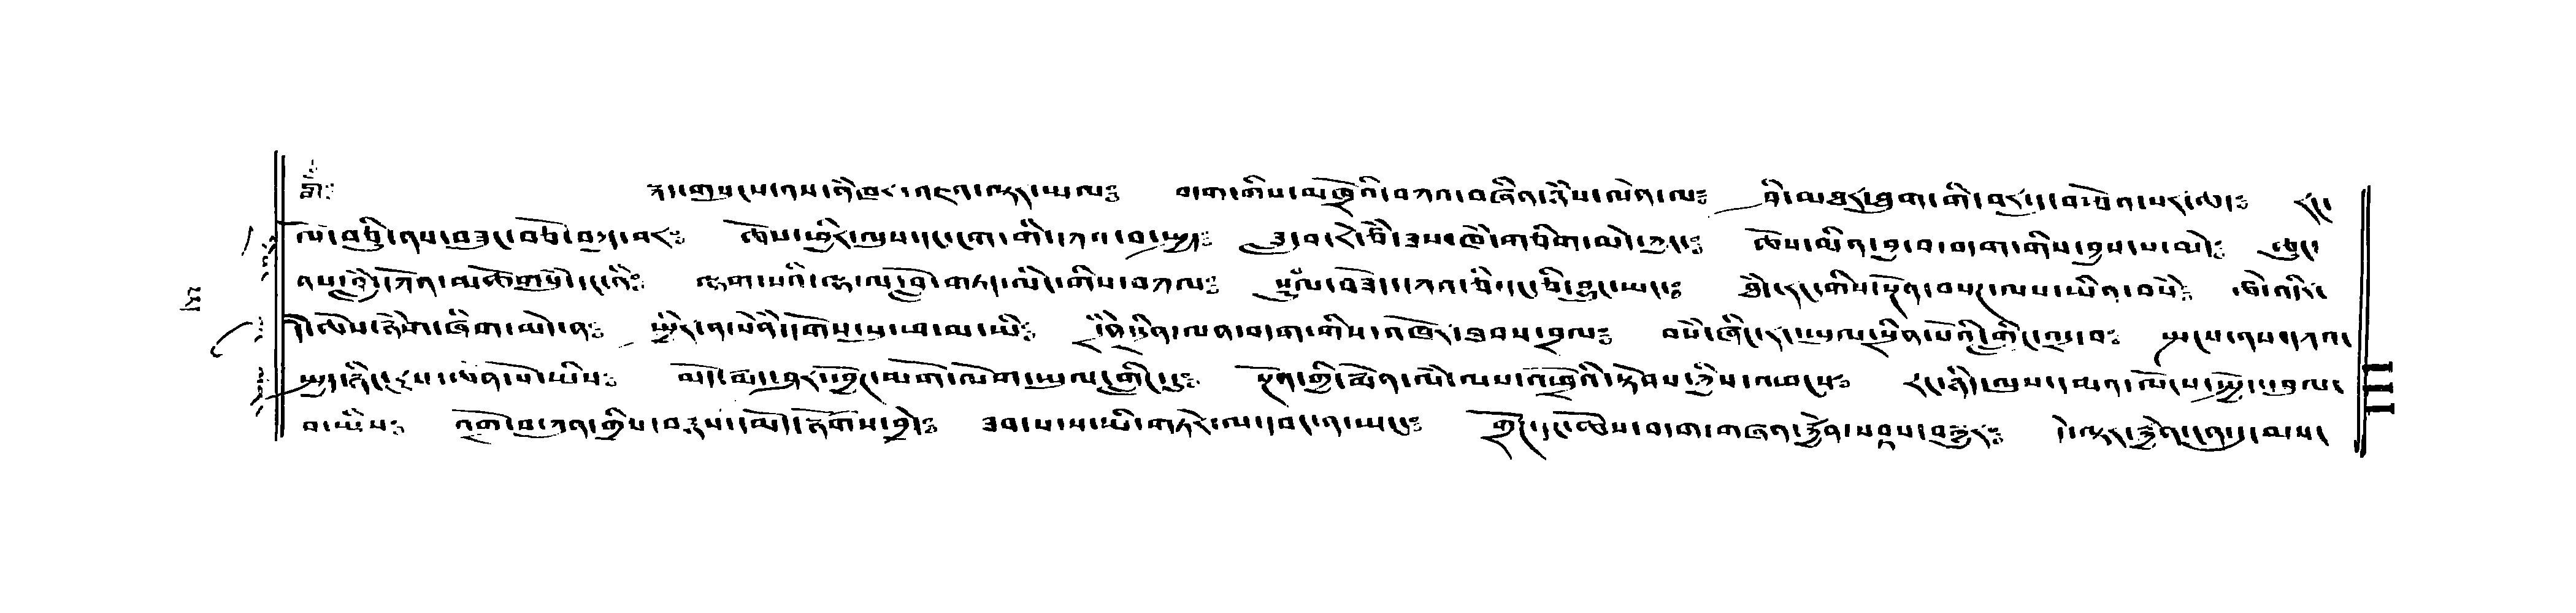སྐད་གསུངས་ནས་ནམ་མཁར་འཇའ་ལྟར་ཡལ༔ བདག་གིས་མཁའ་འགྲོའི་བཀའ་བཞིན་ཉམས་ལེན་ལ༔ ཤི་མཐར་ཐུག་གི་བར་དུ་བརྩོན་པར་ཆད༔ རང
ལོ་བཅུ་བཞི་ནས་བཟུང་བཅོ་བརྒྱད་བར༔ ཆོས་ཕྱིར་ལུས་དང་ངག་གི་དཀའ་བ་སྤྱད༔ ཟླ་བ་རེ་ཙམ་ཟས་ཁམ་གཅིག་མེད་ཀྱང༔ ཆོས་མིན་བྱ་བ་བདག་གིས་བྱས་པ་མེད༔ ཆུང་
ནས་བླ་མ་དཀོན་མཆོག་གསུམ་དང་ནི༔ ལྷག་པའི་ལྷ་ལ་བློ་གཏད་ལིང་གིས་བཀལ༔ སྡུག་བསྔལ་བཟོད་དཀའ་ཅི་དང་ཅི་བྱུང་ཡང༔ ཐམས་ཅད་རང་གིས་སྔོན་བསགས་ལས་ཡིན་བསམ༔ ཚེ་འདིར་
དམ་ཆོས་རྣམ་དག་ཞིག་མེད་ན༔ སྤྱིར་ན་སེམས་ཅན་དགོས་སུ་ཕ་མ་ཡི༔ དྲིན་ཆེན་དྲིན་ལན་བདག་གིས་འཁོར་ཐབས་བྲལ༔ བསམ་ཞིང་རང་ཡུལ་སྲིན་པོའི་གླིང་འདྲ་བ༔སྤངས་ནས་དཀའ་
སྤྱད་སྙིང་རུས་ཆེན་པོ་ཡིས༔ མདོ་སྨད་ཤར་ཕྱོགས་མགོ་ལོག་ཡུལ་གླིང་དུ༔ སྔོན་གྱི་སྨོན་ལམ་ལས་འཕྲོའི་སྟོབས་ཀྱིས་འཕངས༔ རང་ཉིད་ལུས་དམན་ལོངས་སྤྱོད་དབུལ་
བ་ཡིས༔ འགྲོ་བ་ཀུན་གྱིས་བརྙས་དམོད་སྣ་ཚོགས་བྱེད༔ ཟབ་པ་ས་ཡི་གཏེར་ལ་དབང་ན་ཡང༔ གྲོགས་དང་ཆོས་བདག་གཞན་རྐྱེན་སབྟས་བསྒྱུར༔ དེ་ལྟར་རྐྱེན་ངན་དུ་མས་